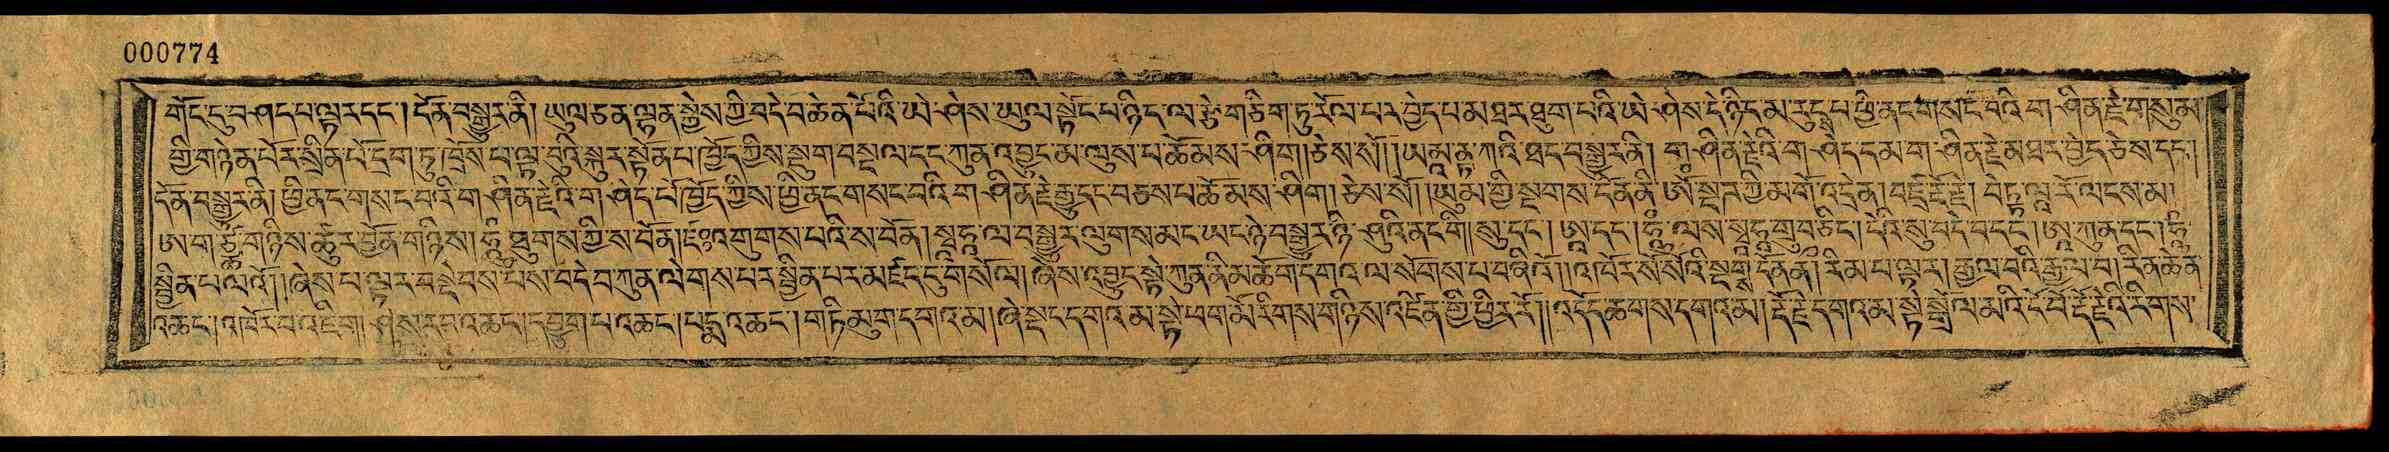གོང་དུ་བཤད་པ་ལྟར་དང་། དོན་བསྒྱུར་ནི། ཡུལ་ཅན་ལྷན་སྐྱེས་ཀྱི་བདེ་བ་ཆེན་པོའི་ཡེ་ཤེས་ཡུལ་སྟོང་པ་ཉིད་ལ་རྩེ་གཅིག་ཏུ་རོལ་པར་བྱེད་པ་མཐར་ཐུག་པའི་ཡེ་ཤེས་དེ་ཉིད་མ་རུངས་པ་ཕྱི་ནང་གསང་བའི་གཤིན་རྗེ་གསུམ་
གྱི་གཉེན་པོར་སྲིན་པོ་དྲག་ཏུ་ཁྲོས་པ་ལྟ་བུའི་སྐུར་སྟོན་པ་ཁྱོད་ཀྱིས་སྡུག་བསྔལ་དང་ཀུན་འབྱུང་མ་ལུས་པ་ཆོམས་ཤིག །ཅེས་སོ། །ཡམནྟ་ཀའི་ཐད་བསྒྱུར་ནི། གཤིན་རྗེའི་གཤེད་དམ་གཤིན་རྗེ་མཐར་བྱེད་ཅེས་དང་།
དོན་བསྒྱུར་ནི། ཕྱི་ནང་གསང་བའི་གཤིན་རྗེའི་གཤེད་པོ་ཁྱོད་ཀྱིས་ཕྱི་ནང་གསང་བའི་གཤིན་རྗེ་རྒྱུ་དང་བཅས་པ་ཆོམས་ཤིག །ཅེས་སོ། །ཡུམ་གྱི་སྔགས་དོན་ནི་ཨོཾ་སྔཌ་ཀྱི་མགོ་འདྲེན། བཛྲ་རྡོ་རྗེ། བེཏྟ་ལཱ་རོ་ལངས་མ།
ཨ་གཙྪ་གཉིས་ཚུར་བྱོན་གཉིས། ཧཱུཾ་ཐུགས་ཀྱི་ས་བོན། ཛཿ འགུགས་པའི་ས་བོན། སྭཱ་ཧཱ་ལ་བསྒྱུར་ལུགས་མང་ཡང་ཉེ་བསྒྱུར་ཉི་ཤུའི་ནང་གི །སུ་དང་། ཨཱ་དང་། ཧཱུཾ་ལས་སྭཱ་ཧཱ་གྲུབ་ཅིང་། དེའི་སུ་བདེ་བ་དང་། ཨཱ་ཀུན་དང་། ཧཱུཾ་
སྦྱིན་པ་ལའོ། །ཞེས་པ་ལྟར་བསྡེབས་པས་བདེ་བ་ཀུན་ལེགས་པར་སྦྱིན་པར་མཛད་དུ་གསོལ། ཞེས་འབྱུང་སྟེ་ཀུན་ནི་མཆོག་དགའ་ལ་སོགས་པ་བཞིའོ། །འཁོར་སོ་སོའི་སྔགས་དོན་ནི། རིམ་པ་ལྟར། རྒྱལ་བའི་རྒྱལ་བ། རིན་ཆེན་
འཆང་། འཁོར་བ་འཇིག །ཤེས་རབ་འཆང་། དབྱུག་པ་འཆང་། པདམ་འཆང་། གཏི་མུག་དགའ་མ། ཞེ་སྡང་དགའ་མ་སྟེ་ཕག་མོ་རིགས་གཉིས་འཛིན་གྱི་ཕྱིར་རོ། །འདོད་ཆགས་དགའ་མ། རྡོ་རྗེ་དགའ་མ་སྟེ་སྒྲོལ་མའི་ངོ་བོ་རྡོ་རྗེའི་རིགས་